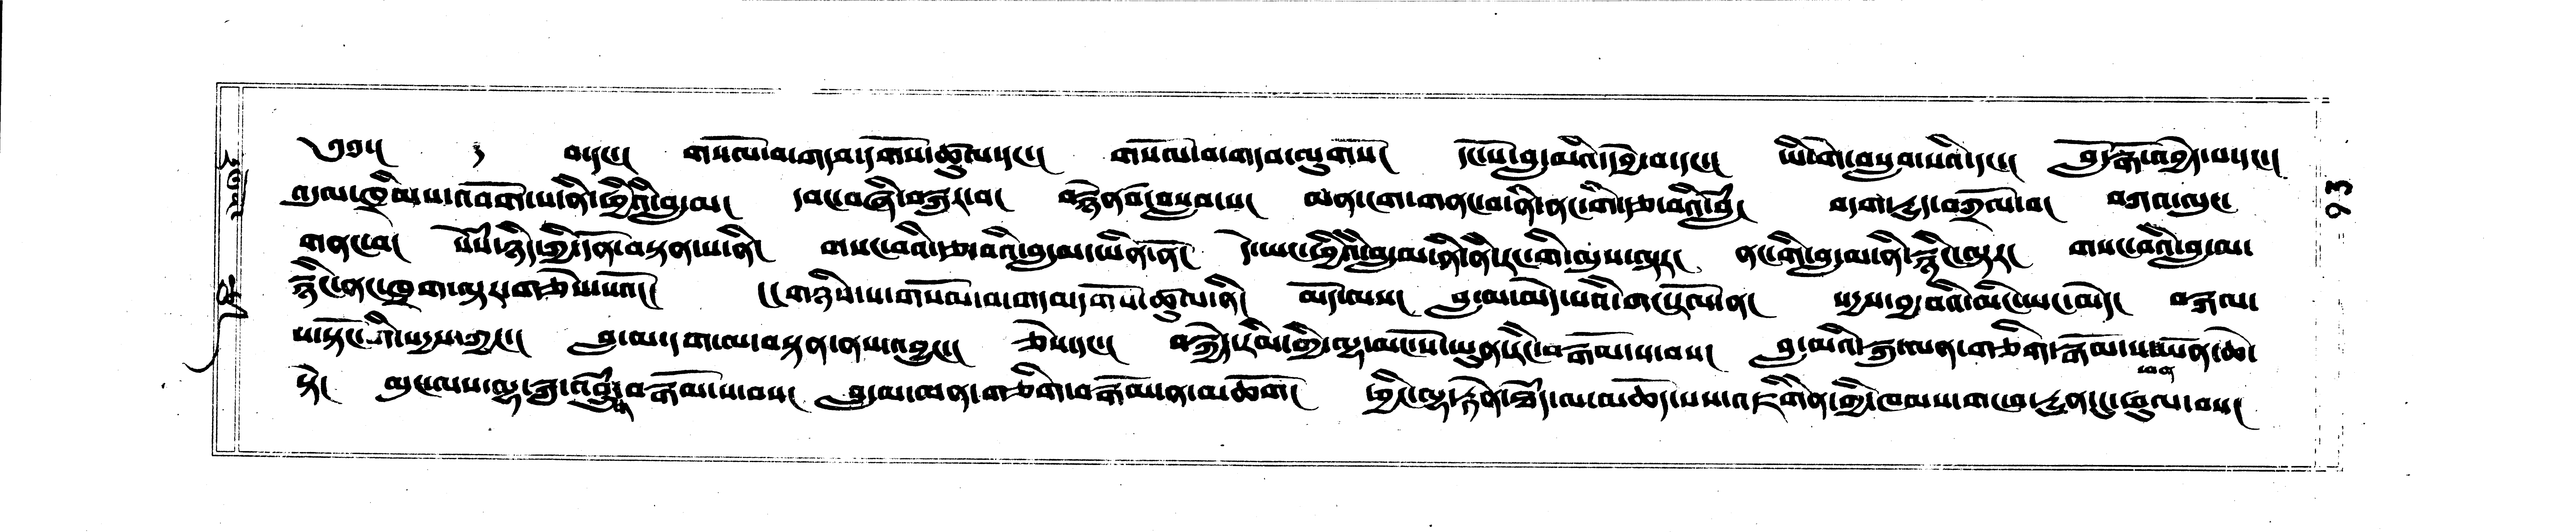བ་དང་། གསོལ་བ་གདབ་དགོས་ཚུལ་དང་། གསོལ་བ་གདབ་ལུགས་སོ། །དང་པོ་བླ་མའི་དབྱེ་བ་དང་། བློ་སྒོ་འབྱེད་པ་དང་། 
འདུལ་ཁྲིམས་འབོགས་པ་ནི་ཕྱིའི་བླ་མ། དབང་བཞི་བསྐུར་བ་དང་། བསྙེན་འཛབ་བསླབ་པ། མན་ངག་གནང་བ་ནི་ནང་གི་རྩ་བའི་བླ་མ། བདག་རྒྱུད་བཀྲོལ་བ། བཀའ་ལུང་
གནང་བ། སེམས་ཉིད་ཀྱི་དོན་བསྟན་པ་ནི་གསང་བའི་རྩ་བའི་བླ་མ་ཡིན་ནོ། །དེ་ཡང་ཕྱིིའི་བླ་མ་ནི་རང་གི་ལུས་ལྟར། ནང་གི་བླ་མ་ནི་སྙིང་ལྟར། གསང་བའི་བླ་མ་
སྙིང་ནང་ཁྲག་ལྟར་གཅེས་པའོ། །གཉིས་པ་གསོལ་བ་གདབ་དགོས་ཚུལ་ནི། མདོ་ལས། བླ་མ་མེད་པའི་གོང་རོལ་ན། སངས་རྒྱས་བྱ་བའི་མིང་ཡང་མེད། བསྐལ་
པ་སྟོང་གི་སངས་རྒྱས་ཀྱང་། བླ་མ་དག་ལ་བརྟེན་ནས་བྱུང་། ཞེས་དང་། བསྐྱེད་རིམ་གྱི་ལྷ་མང་པོ་ཡུན་རིང་བསྒོམས་པ་བས། བླ་མའི་སྐུ་ལན་གཅིག་བསྒོམ་པ་ཕན་ཡོན་ཆེ་
སྟེ། ལུང་ལས། ལྷ་སྐུ་འབུམ་ཕྲག་བསྒོམ་པ་བས། བླ་མ་ལན་གཅིག་བསྒོམས་ན་མཆོག ཕྱི་ནང་ལྷ་རྟེན་ཐམས་ཅད་ལ་མཆོད་པས་འཇིག་རྟེན་ཁམས་གང་བ་རྒྱུན་དུ་ཕུལ་བ་བས་